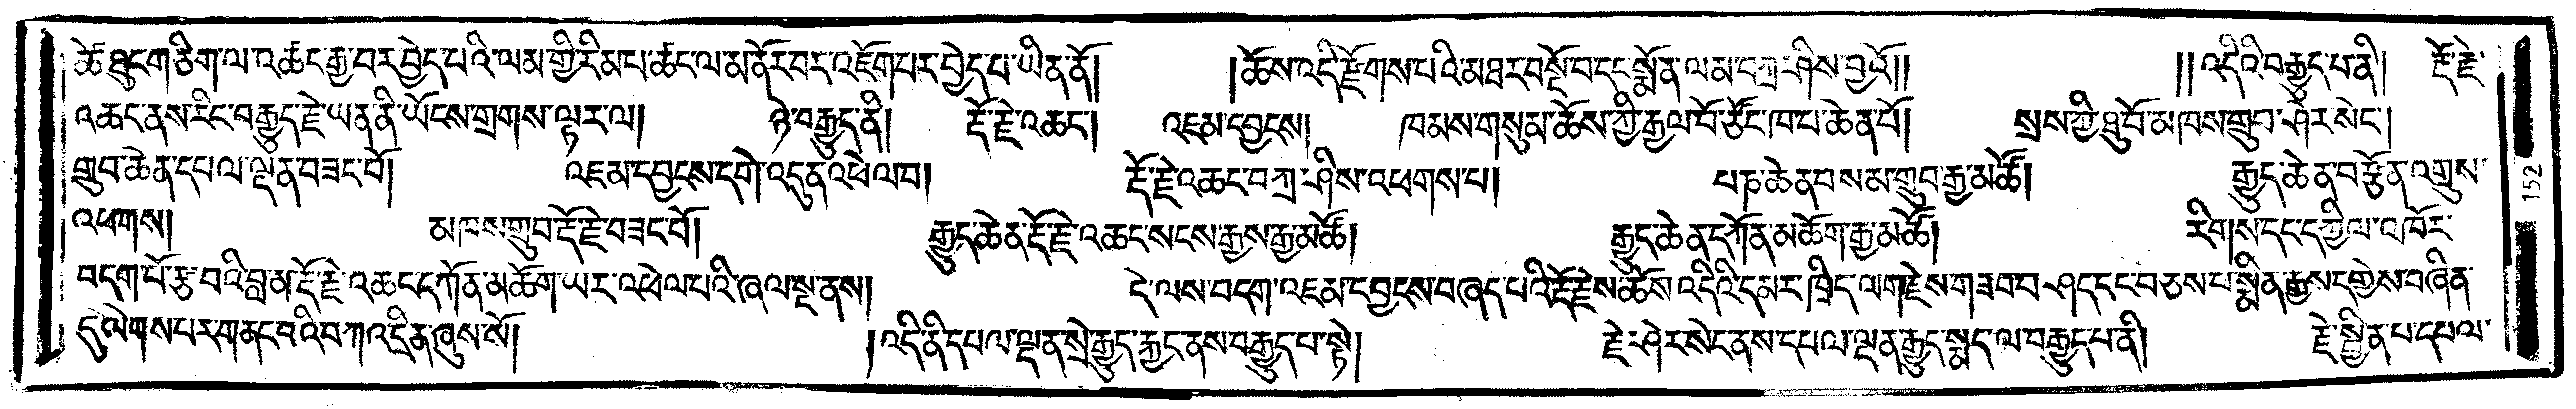ཚེ་ཐུང་གཅིག་ལ་འཚང་རྒྱ་བར་བྱེད་པའི་ལམ་གྱི་རིམ་པ་ཚང་ལ་མ་ནོར་བར་འཇོག་པར་བྱེད་པ་ཡིན་ནོ། །ཆོས་འདི་རྫོགས་པའི་མཐར་བསྔོ་བ་དང་སྨོན་ལམ་བཀྲ་ཤིས་བྱའོ།། །།འདིའི་བརྒྱུད་པ་ནི། རྡོ་རྗེ་
འཆང་ནས་རིང་བརྒྱུད་རྗེ་ཡན་ནི་ཡོངས་གྲགས་ལྟར་ལ། ཉེ་བརྒྱུད་ནི། རྡོ་རྗེ་འཆང་། འཇམ་དབྱངས། ཁམས་གསུམ་ཆོས་ཀྱི་རྒྱལ་པོ་ཙོང་ཁ་པ་ཆེན་པོ། སྲས་ཀྱི་ཐུ་བོ་མཁས་གྲུབ་ཤེར་སེང་།
གྲུབ་ཆེན་དཔལ་ལྡན་བཟང་པོ། འཇམ་དབྱངས་དགེ་འདུན་འཕེལ་བ། རྡོ་རྗེ་འཆང་བཀྲ་ཤིས་འཕགས་པ། པཎ་ཆེན་བསམ་གྲུབ་རྒྱ་མཚོ། རྒྱུད་ཆེན་བརྩོན་འགྲུས་
འཕགས། མཁས་གྲུབ་རྡོ་རྗེ་བཟང་པོ། རྒྱུད་ཆེན་རྡོ་རྗེ་འཆང་སངས་རྒྱས་རྒྱ་མཚོ། རྒྱུད་ཆེན་དཀོན་མཆོག་རྒྱ་མཚོ། རིགས་དང་དཀྱིལ་འཁོར་
བདག་པོ་རྩ་བའི་བླ་མ་རྡོ་རྗེ་འཆང་དཀོན་མཆོག་ཡར་འཕེལ་པའི་ཞལ་སྔ་ནས། དེ་ལས་བདག་འཇམ་དབྱངས་བཞད་པའི་རྡོ་རྗེས་ཆོས་འདིའི་དམར་ཁྲིད་ལག་རྗེས་གཟབ་བཤད་དང་བཅས་པ་སྨིན་རྒྱས་དགྱེས་བཞིན་
དུ་ལེགས་པར་གནང་བའི་བཀའ་དྲིན་ཞུས་སོ། །འདི་ནི་དཔལ་ལྡན་སྲེ་རྒྱུད་རྐྱང་ནས་བརྒྱུད་པ་སྟེ། རྗེ་ཤེར་སེང་ནས་དཔལ་ལྡན་རྒྱུད་སྨད་ལ་བརྒྱུད་པ་ནི། རྗེ་སྦྱིན་པ་དཔལ་